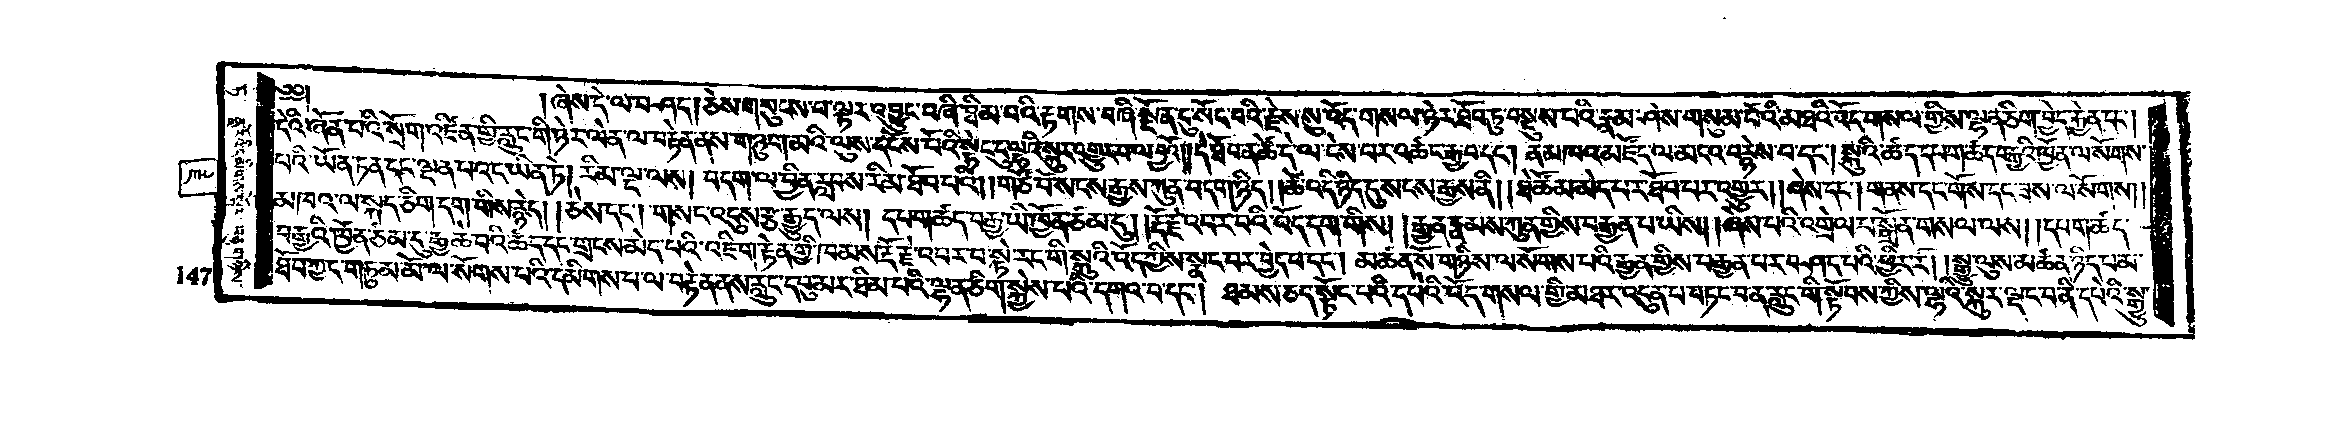༄༅། །ཞེས་དེ་ལ་བཤད། ཅེས་གསུངས་པ་ལྟར་འབྱུང་བཞི་ཐིམ་པའི་རྟགས་བཞི་སྔོན་དུ་སོང་བའི་རྗེས་སུ་འོད་གསལ་ཉེར་ཐོབ་ཏུ་བསྡུས་པའི་རྣམ་ཤེས་གསུམ་པའི་མཐའི་འོད་གསལ་གྱིས་ལྷན་ཅིག་བྱེད་རྐྱེན་དང་།
དེའི་ཞོན་པའི་སྲོག་འཛིན་གྱི་རླུང་གི་ཉེར་ལེན་ལ་བརྟེན་ནས་གཉུག་མའི་ལུས་དངོས་པོའི་སྟེང་དུ་ལྷའི་སྐུར་འགྱུར་བ་ལ་བྱའོ། །དེ་ཐོབ་ན་ཚེ་དེ་ལ་ངེས་པར་འཚང་རྒྱ་བ་དང་། ནམ་མཁའ་མཛོད་ལ་མངའ་བརྙེས་པ་དང་། སྐུའི་ཚད་དཔག་ཚད་བརྒྱའི་ཁྱོན་ལ་སོགས་
པའི་ཡོན་ཏན་དང་ལྡན་པའང་ཡིན་ཏེ། རིམ་ལྔ་ལས། བདག་ལ་བྱིན་རླབས་རིམ་ཐོབ་པའི། །གཙོ་བོ་སངས་རྒྱས་ཀུན་བདག་ཉིད། །ཚེ་འདི་ཉིད་དུ་སངས་རྒྱས་ནི། །ཐེ་ཚོམ་མེད་པར་ཐོབ་པར་འགྱུར། །ཞེས་དང་། གནས་དང་གོས་དང་ཟས་ལ་སོགས། །
མཁའ་ལ་སྐད་ཅིག་དག་གིས་རྙེད། །ཅེས་དང་། གསང་འདུས་རྩ་རྒྱུད་ལས། དཔག་ཚད་བརྒྱ་ཡི་ཁྱོན་ཙམ་དུ། །རྡོ་རྗེ་འབར་བའི་འོད་དག་གིས། །རྒྱན་རྣམས་ཀུན་གྱིས་བརྒྱན་པ་ཡིས། །ཞེས་པའི་འགྲེལ་པ་སྒྲོན་གསལ་ལས། །དཔག་ཚད་
བརྒྱའི་ཁྱོན་ཙམ་དུ་རྒྱ་ཆེ་བའི་ཚད་དང་གྲངས་མེད་པའི་འཇིག་རྟེན་གྱི་ཁམས་རྡོ་རྗེ་འབར་བ་སྟེ་རང་གི་སྐུའི་འོད་ཀྱིས་སྣང་བར་བྱེད་པ་དང་། མཚན་སོ་གཉིས་ལ་སོགས་པའི་རྒྱན་གྱིས་བརྒྱན་པར་བཤད་པའི་ཕྱིར་རོ། །སྒྱུ་ལུས་མཚན་ཉིད་པ་མ་
ཐོབ་ཀྱང་གཏུམ་མོ་ལ་སོགས་པའི་དམིགས་པ་ལ་བརྟེན་ནས་རླུང་དབུ་མར་ཐིམ་པའི་ལྷན་ཅིག་སྐྱེས་པའི་དགའ་བ་དང་། ཐམས་ཅད་སྟོང་པའི་དཔེའི་འོད་གསལ་གྱི་མཐར་འདུན་པ་བཏང་བ་ན་རླུང་གི་སྟོབས་ཀྱིས་ལྷའི་སྐུར་ལྡང་བ་ནི་དཔེའི་སྒྱུ་